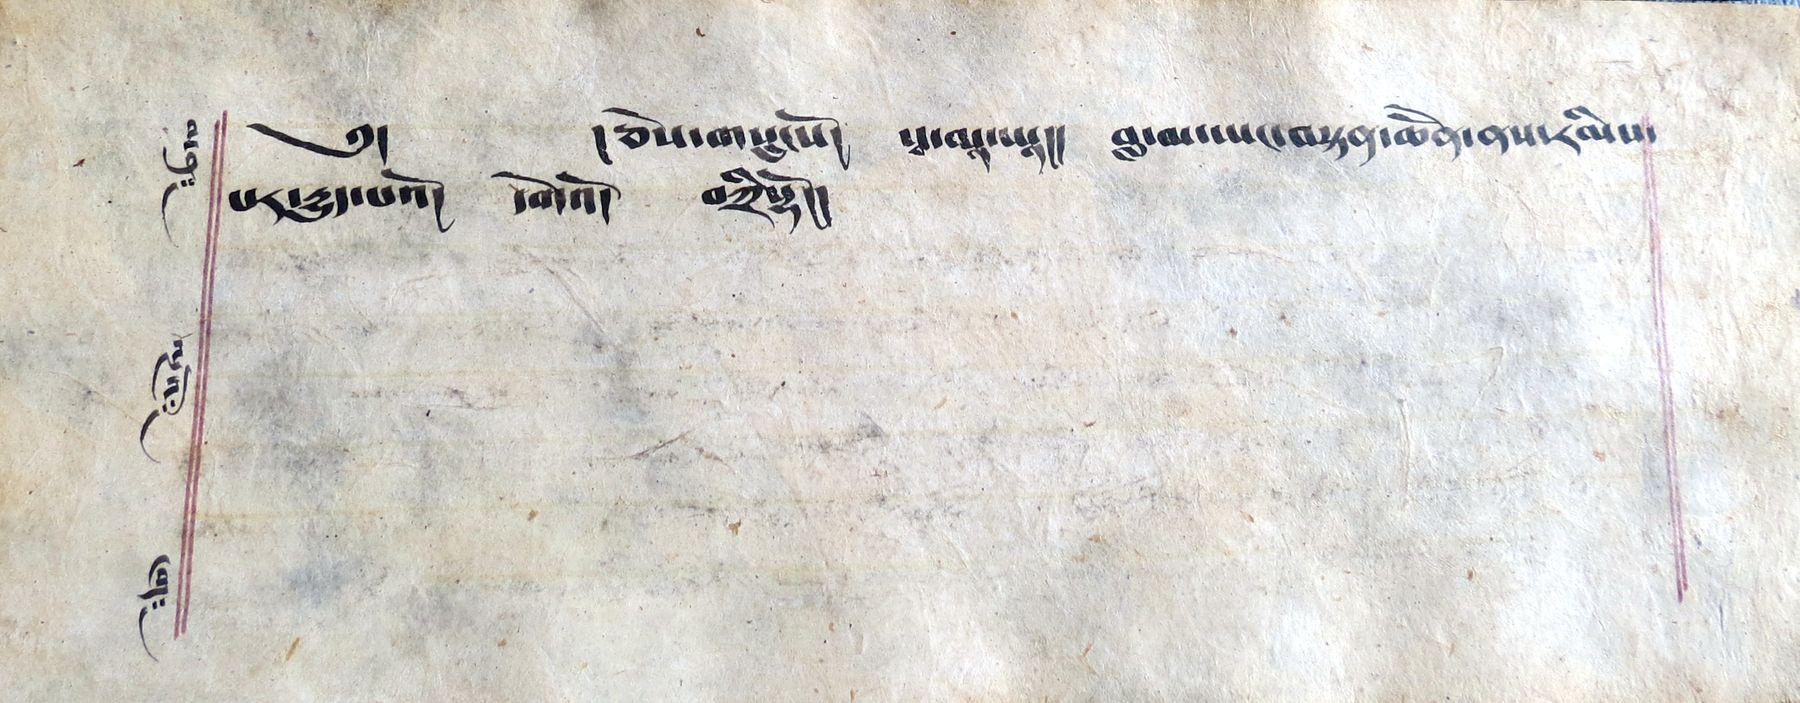ཞེས་གསུངས་སོ། ། ས་མ་ཡ། ། བླ་མ་ཡང་སྟོན་ཆེན་པོ་ནས་རིམ་
པར་བརྒྱུད་པའོ། ། དགེའོ། ། བཀྲ་ཤིསྷོ། །